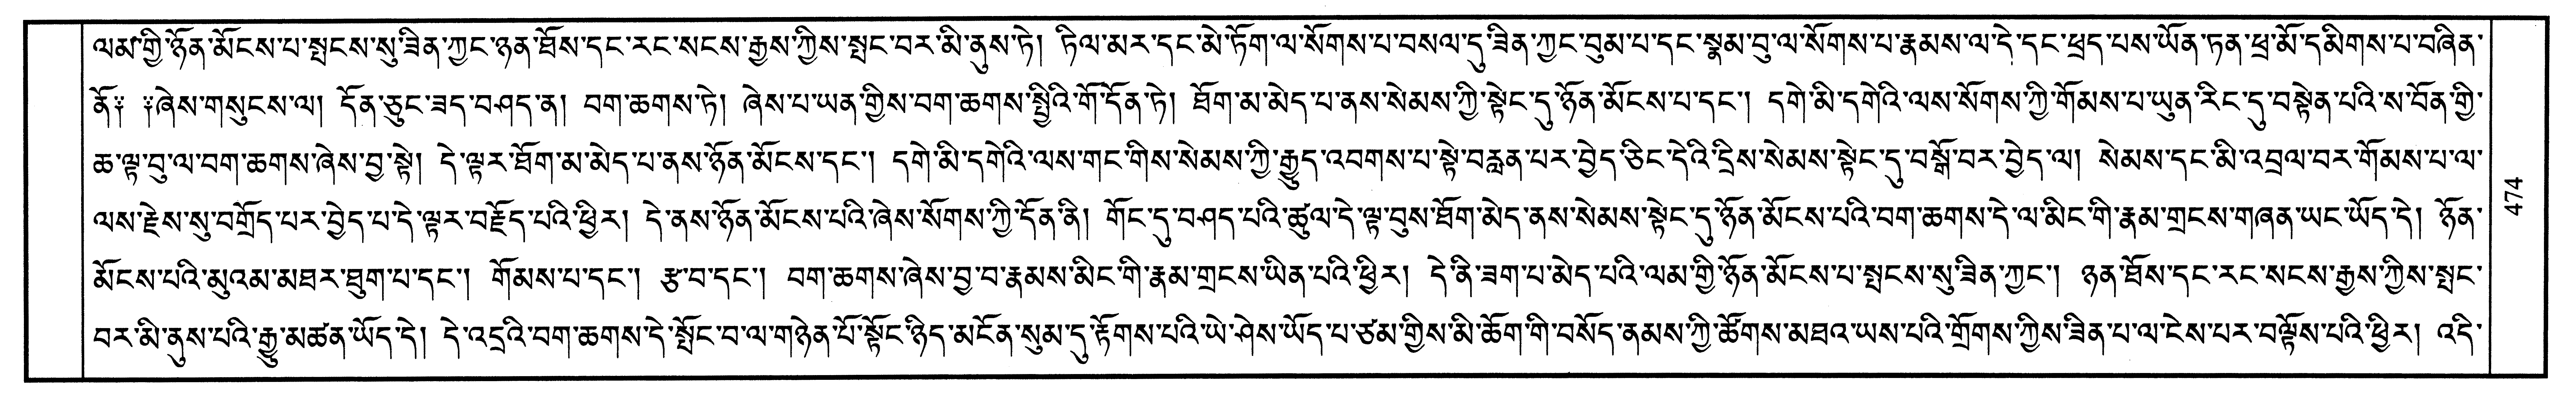ལམ་གྱི་ཉོན་མོངས་པ་སྤངས་སུ་ཟིན་ཀྱང་ཉན་ཐོས་དང་རང་སངས་རྒྱས་ཀྱིས་སྤང་བར་མི་ནུས་ཏེ། ཏིལ་མར་དང་མེ་ཏོག་ལ་སོགས་པ་བསལ་དུ་ཟིན་ཀྱང་བུམ་པ་དང་སྣམ་བུ་ལ་སོགས་པ་རྣམས་ལ་དེ་དང་ཕྲད་པས་ཡོན་ཏན་ཕྲ་མོ་དམིགས་པ་བཞིན་
ནོ༑ ༑ཞེས་གསུངས་ལ། དོན་ཅུང་ཟད་བཤད་ན། བག་ཆགས་ཏེ། ཞེས་པ་ཡན་གྱིས་བག་ཆགས་སྤྱིའི་གོ་དོན་ཏེ། ཐོག་མ་མེད་པ་ནས་སེམས་ཀྱི་སྟེང་དུ་ཉོན་མོངས་པ་དང་། དགེ་མི་དགེའི་ལས་སོགས་ཀྱི་གོམས་པ་ཡུན་རིང་དུ་བསྟེན་པའི་ས་བོན་གྱི་
ཆ་ལྟ་བུ་ལ་བག་ཆགས་ཞེས་བྱ་སྟེ། དེ་ལྟར་ཐོག་མ་མེད་པ་ནས་ཉོན་མོངས་དང་། དགེ་མི་དགེའི་ལས་གང་གིས་སེམས་ཀྱི་རྒྱུད་འབགས་པ་སྟེ་བརླན་པར་བྱེད་ཅིང་དེའི་དྲིས་སེམས་སྟེང་དུ་བསྒོ་བར་བྱེད་ལ། སེམས་དང་མི་འབྲལ་བར་གོམས་པ་ལ་
ལས་རྗེས་སུ་བགྲོད་པར་བྱེད་པ་དེ་ལྟར་བརྗོད་པའི་ཕྱིར། དེ་ནས་ཉོན་མོངས་པའི་ཞེས་སོགས་ཀྱི་དོན་ནི། གོང་དུ་བཤད་པའི་ཚུལ་དེ་ལྟ་བུས་ཐོག་མེད་ནས་སེམས་སྟེང་དུ་ཉོན་མོངས་པའི་བག་ཆགས་དེ་ལ་མིང་གི་རྣམ་གྲངས་གཞན་ཡང་ཡོད་དེ། ཉོན་
མོངས་པའི་མུའམ་མཐར་ཐུག་པ་དང་། གོམས་པ་དང་། རྩ་བ་དང་། བག་ཆགས་ཞེས་བྱ་བ་རྣམས་མིང་གི་རྣམ་གྲངས་ཡིན་པའི་ཕྱིར། དེ་ནི་ཟག་པ་མེད་པའི་ལམ་གྱི་ཉོན་མོངས་པ་སྤངས་སུ་ཟིན་ཀྱང་། ཉན་ཐོས་དང་རང་སངས་རྒྱས་ཀྱིས་སྤང་
བར་མི་ནུས་པའི་རྒྱུ་མཚན་ཡོད་དེ། དེ་འདྲའི་བག་ཆགས་དེ་སྤོང་བ་ལ་གཉེན་པོ་སྟོང་ཉིད་མངོན་སུམ་དུ་རྟོགས་པའི་ཡེ་ཤེས་ཡོད་པ་ཙམ་གྱིས་མི་ཆོག་གི་བསོད་ནམས་ཀྱི་ཚོགས་མཐའ་ཡས་པའི་གྲོགས་ཀྱིས་ཟིན་པ་ལ་ངེས་པར་བལྟོས་པའི་ཕྱིར། འདི་